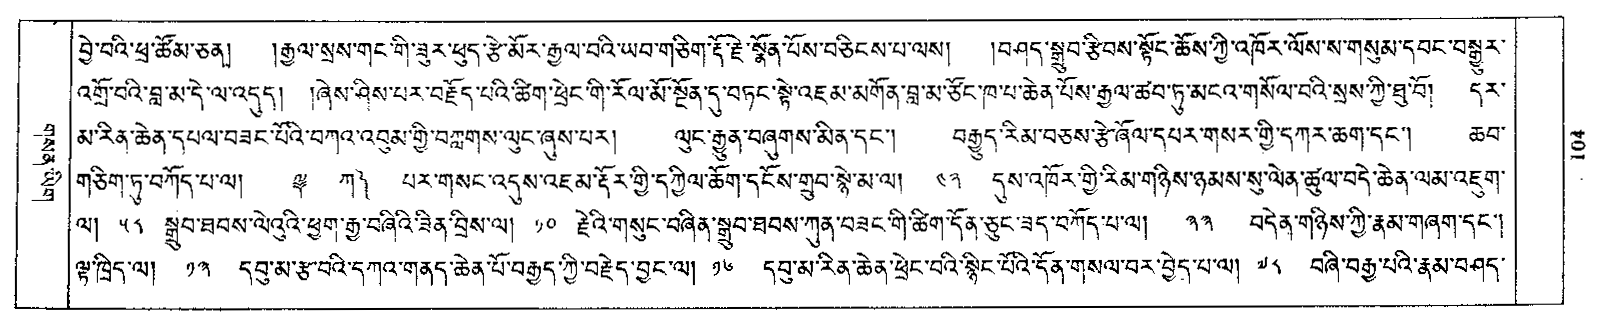བྱེ་བའི་ཕྲ་ཚོམ་ཅན། །རྒྱལ་སྲས་གང་གི་ཟུར་ཕུད་རྩེ་མོར་རྒྱལ་བའི་ཡབ་གཅིག་རྡོ་རྗེ་སྣོན་པོས་བཅིངས་པ་ལས། །བཤད་སྒྲུབ་རྩིབས་སྟོང་ཆོས་ཀྱི་འཁོར་ལོས་ས་གསུམ་དབང་བསྒྱུར་
འགྲོ་བའི་བླ་མ་དེ་ལ་འདུད། །ཞེས་ཤིས་པར་བརྗོད་པའི་ཚིག་ཕྲེང་གི་རོལ་མོ་སྔོན་དུ་བཏང་སྟེ་འཇམ་མགོན་བླ་མ་ཙོང་ཁ་པ་ཆེན་པོས་རྒྱལ་ཚབ་ཏུ་མངའ་གསོལ་བའི་སྲས་ཀྱི་ཐུ་བོ། དར་
མ་རིན་ཆེན་དཔལ་བཟང་པོའི་བཀའ་འབུམ་གྱི་བཀླགས་ལུང་ཞུས་པར། ལུང་རྒྱུན་བཞུགས་མིན་དང་། བརྒྱུད་རིམ་བཅས་རྩེ་ཞོལ་དཔར་གསར་གྱི་དཀར་ཆག་དང་། ཆབ་
གཅིག་ཏུ་བཀོད་པ་ལ། ༈ ཀ྄་པར་གསང་འདུས་འཇམ་རྡོར་གྱི་དཀྱིལ་ཆོག་དངོས་གྲུབ་སྙེ་མ་ལ། ༤༢་དུས་འཁོར་གྱི་རིམ་གཉིས་ཉམས་སུ་ལེན་ཚུལ་བདེ་ཆེན་ལམ་འཇུག་
ལ། ༥༨་སྒྲུབ་ཐབས་ལེའུའི་ཕྱག་རྒྱ་བཞིའི་ཟིན་བྲིས་ལ། ༡༠་རྗེའི་གསུང་བཞིན་སྒྲུབ་ཐབས་ཀུན་བཟང་གི་ཚིག་དོན་ཅུང་ཟད་བཀོད་པ་ལ། ༣༣་བདེན་གཉིས་ཀྱི་རྣམ་གཞག་དང་།
ལྟ་ཁྲིད་ལ། ༡༣་དབུ་མ་རྩ་བའི་དཀའ་གནད་ཆེན་པོ་བརྒྱད་ཀྱི་བརྗེད་བྱང་ལ། ༡༦་དབུ་མ་རིན་ཆེན་ཕྲེང་བའི་སྙིང་པོའི་དོན་གསལ་བར་བྱེད་པ་ལ། ༧༨་བཞི་བརྒྱ་པའི་རྣམ་བཤད་